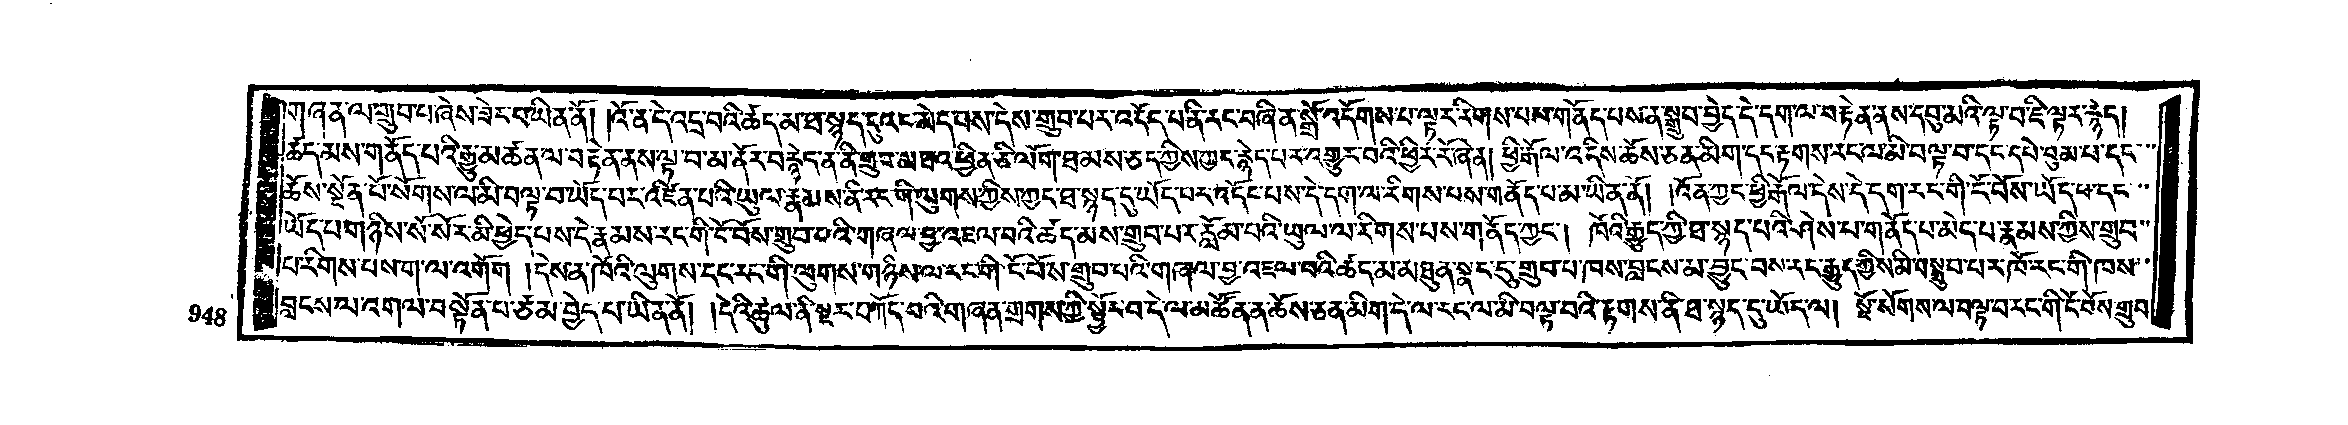གཞན་ལ་གྲུབ་པ་ཞེས་ཟེར་བ་ཡིན་ནོ། །འོ་ན་དེ་འདྲ་བའི་ཚད་མ་ཐ་སྙད་དུའང་མེད་པས་དེས་གྲུབ་པར་འདོད་པ་ནི་རང་བཞིན་སྒྲོ་འདོགས་པ་ལྟར་རིགས་པས་གནོད་པས་ན་སྒྲུབ་བྱེད་དེ་དག་ལ་བརྟེན་ནས་དབུ་མའི་ལྟ་བ་ཇི་ལྟར་རྙེད།
ཚད་མས་གནོད་པའི་རྒྱུ་མཚན་ལ་བརྟེན་ནས་ལྟ་བ་མ་ནོར་བརྙེད་ན་ནི་གྲུབ་མཐའ་ཕྱིན་ཅི་ལོག་ཐམས་ཅད་ཀྱིས་ཀྱང་རྙེད་པར་འགྱུར་བའི་ཕྱིར་རོ་ཞེ་ན། ཕྱི་རྒོལ་འདིས་ཆོས་ཅན་མིག་དང་རྟགས་རང་ལ་མི་བལྟ་བ་དང་དཔེ་བུམ་པ་དང་
ཆོས་སྔོན་པོ་སོགས་ལ་མི་བལྟ་བ་ཡོད་པར་འཛིན་པའི་ཡུལ་རྣམས་ནི་རང་གི་ལུགས་ཀྱིས་ཀྱང་ཐ་སྙད་དུ་ཡོད་པར་འདོད་པས་དེ་དག་ལ་རིགས་པས་གནོད་པ་མ་ཡིན་ནོ། །འོན་ཀྱང་ཕྱི་རྒོལ་དེས་དེ་དག་རང་གི་ངོ་བོས་ཡོད་པ་དང་
ཡོད་པ་གཉིས་སོ་སོར་མི་ཕྱེད་པས་དེ་རྣམས་རང་གི་ངོ་བོས་གྲུབ་པའི་གཞལ་བྱ་འཇལ་བའི་ཚད་མས་གྲུབ་པར་རློམ་པའི་ཡུལ་ལ་རིགས་པས་གནོད་ཀྱང་། ཁོའི་རྒྱུད་ཀྱི་ཐ་སྙད་པའི་ཤེས་པ་གནོད་པ་མེད་པ་རྣམས་ཀྱིས་གྲུབ་
པ་རིགས་པས་ག་ལ་འགོག །དེས་ན་ཁོའི་ལུགས་དང་རང་གི་ལུགས་གཉིས་ལ་རང་གི་ངོ་བོས་གྲུབ་པའི་གཞལ་བྱ་འཇལ་བའི་ཚད་མ་མཐུན་སྣང་དུ་གྲུབ་པ་ཁས་བླངས་མ་བྱུང་བས་རང་རྒྱུད་ཀྱིས་མི་བསྒྲུབ་པར་ཁོ་རང་གི་ཁས་
བླངས་ལ་འགལ་བ་སྟོན་པ་ཙམ་བྱེད་པ་ཡིན་ནོ། །དེའི་ཚུལ་ནི་སྔར་བཀོད་པའི་གཞན་གྲགས་ཀྱི་སྦྱོར་བ་དེ་ལ་མཚོན་ན་ཆོས་ཅན་མིག་དེ་ལ་རང་ལ་མི་བལྟ་བའི་རྟགས་ནི་ཐ་སྙད་དུ་ཡོད་ལ། སྔོ་སོགས་ལ་བལྟ་བ་རང་གི་ངོ་བོས་གྲུབ་